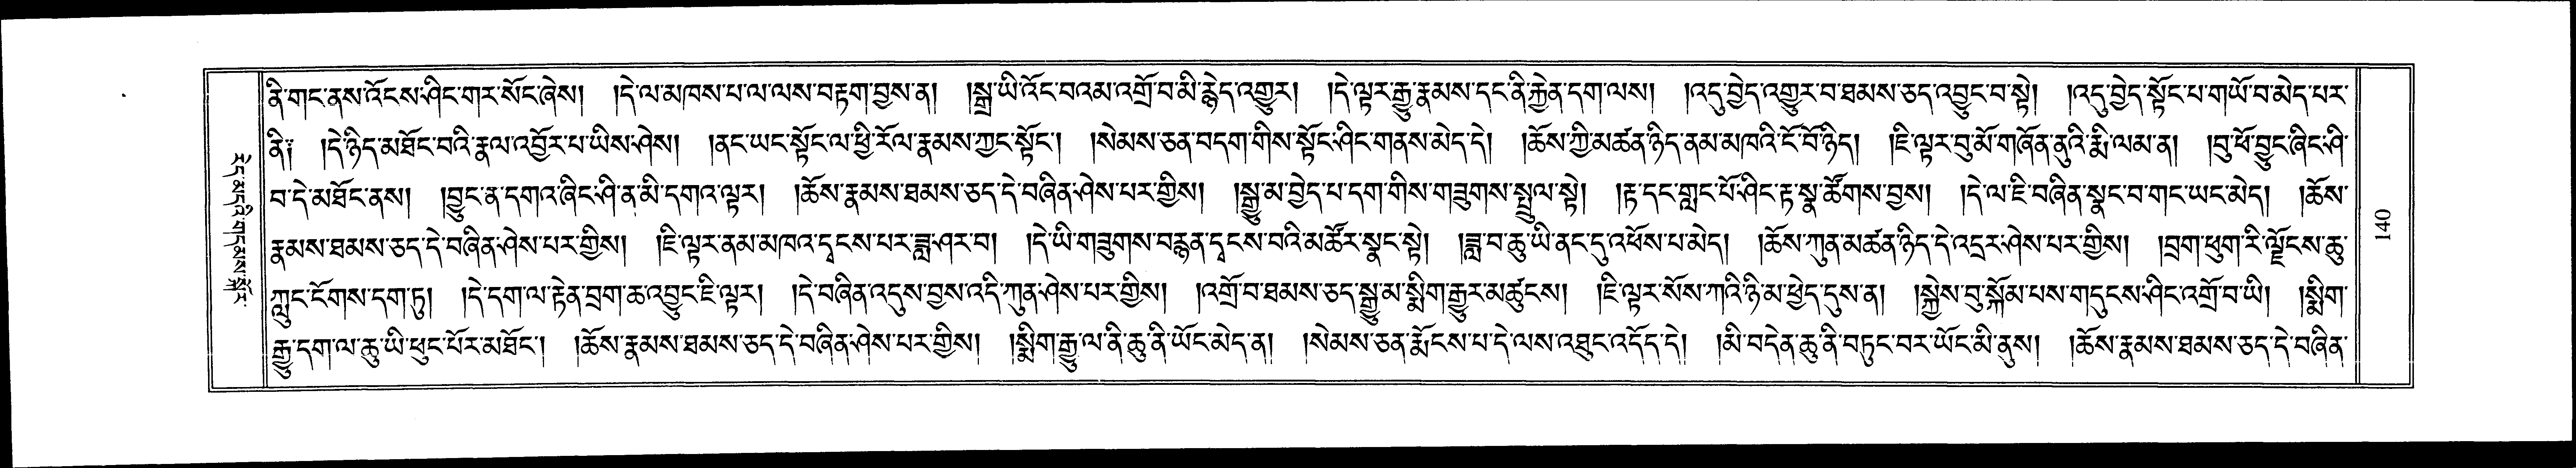ནི་གང་ནས་འོངས་ཤིང་གར་སོང་ཞེས། །དེ་ལ་མཁས་པ་ལ་ལས་བརྟག་བྱས་ན། །སྒྲ་ཡི་འོང་བའམ་འགྲོ་བ་མི་རྙེད་འགྱུར། །དེ་ལྟར་རྒྱུ་རྣམས་དང་ནི་རྐྱེན་དག་ལས། །འདུ་བྱེད་འགྱུར་བ་ཐམས་ཅད་འབྱུང་བ་སྟེ། །འདུ་བྱེད་སྟོང་པ་གཡོ་བ་མེད་པར་
ནི། །དེ་ཉིད་མཐོང་བའི་རྣལ་འབྱོར་པ་ཡིས་ཤེས། །ནང་ཡང་སྟོང་ལ་ཕྱི་རོལ་རྣམས་ཀྱང་སྟོང་། །སེམས་ཅན་བདག་གིས་སྟོང་ཤིང་གནས་མེད་དེ། །ཆོས་ཀྱི་མཚན་ཉིད་རྣམ་མཁའི་ངོ་བོ་ཉིད། །ཇི་ལྟར་བུ་མོ་གཞོན་ནུའི་རྨི་ལམ་ན། །བུ་ཕོ་བྱུང་ཞིང་ཤི་
བ་དེ་མཐོང་ནས། །བྱུང་ན་དགའ་ཞིང་ཤི་ན་མི་དགའ་ལྟར། །ཆོས་རྣམས་ཐམས་ཅད་དེ་བཞིན་ཤེས་པར་གྱིས། །སྒྱུ་མ་བྱེད་པ་དག་གིས་གཟུགས་སྤྲུལ་སྟེ། །རྟ་དང་གླང་པོ་ཤིང་རྟ་སྣ་ཚོགས་བྱས། །དེ་ལ་ཇི་བཞིན་སྣང་བ་གང་ཡང་མེད། །ཆོས་
རྣམས་ཐམས་ཅད་དེ་བཞིན་ཤེས་པར་གྱིས། །ཇི་ལྟར་ནམ་མཁའ་དྭངས་པར་ཟླ་ཤར་བ། །དེ་ཡི་གཟུགས་བརྙན་དྭངས་བའི་མཚོར་སྣང་སྟེ། །ཟླ་བ་ཆུ་ཡི་ནང་དུ་འཕོས་པ་མེད། །ཆོས་ཀུན་མཚན་ཉིད་དེ་འདྲར་ཤེས་པར་གྱིས། །བྲག་ཕུག་རི་ལྗོངས་ཆུ་
ཀླུང་ངོགས་དག་ཏུ། །དེ་དག་ལ་རྟེན་བྲག་ཆ་འབྱུང་ཇི་ལྟར། །དེ་བཞིན་འདུས་བྱས་འདི་ཀུན་ཤེས་པར་གྱིས། །འགྲོ་བ་ཐམས་ཅད་སྒྱུ་མ་སྨིག་རྒྱུར་མཚུངས། །ཇི་ལྟར་སོས་ཀའི་ཉི་མ་ཕྱེད་དུས་ན། །སྐྱེས་བུ་སྐོམ་པས་གདུངས་ཤིང་འགྲོ་བ་ཡི། །སྨིག་
རྒྱུ་དག་ལ་ཆུ་ཡི་ཕུང་པོར་མཐོང་། །ཆོས་རྣམས་ཐམས་ཅད་དེ་བཞིན་ཤེས་པར་གྱིས། །སྨིག་རྒྱུ་ལ་ནི་ཆུ་ནི་ཡོད་མེད་ན། །སེམས་ཅན་རྨོངས་པ་དེ་ལས་འཐུང་འདོད་དེ། །མི་བདེན་ཆུ་ནི་བཏུང་བར་ཡོང་མི་ནུས། །ཆོས་རྣམས་ཐམས་ཅད་དེ་བཞིན་